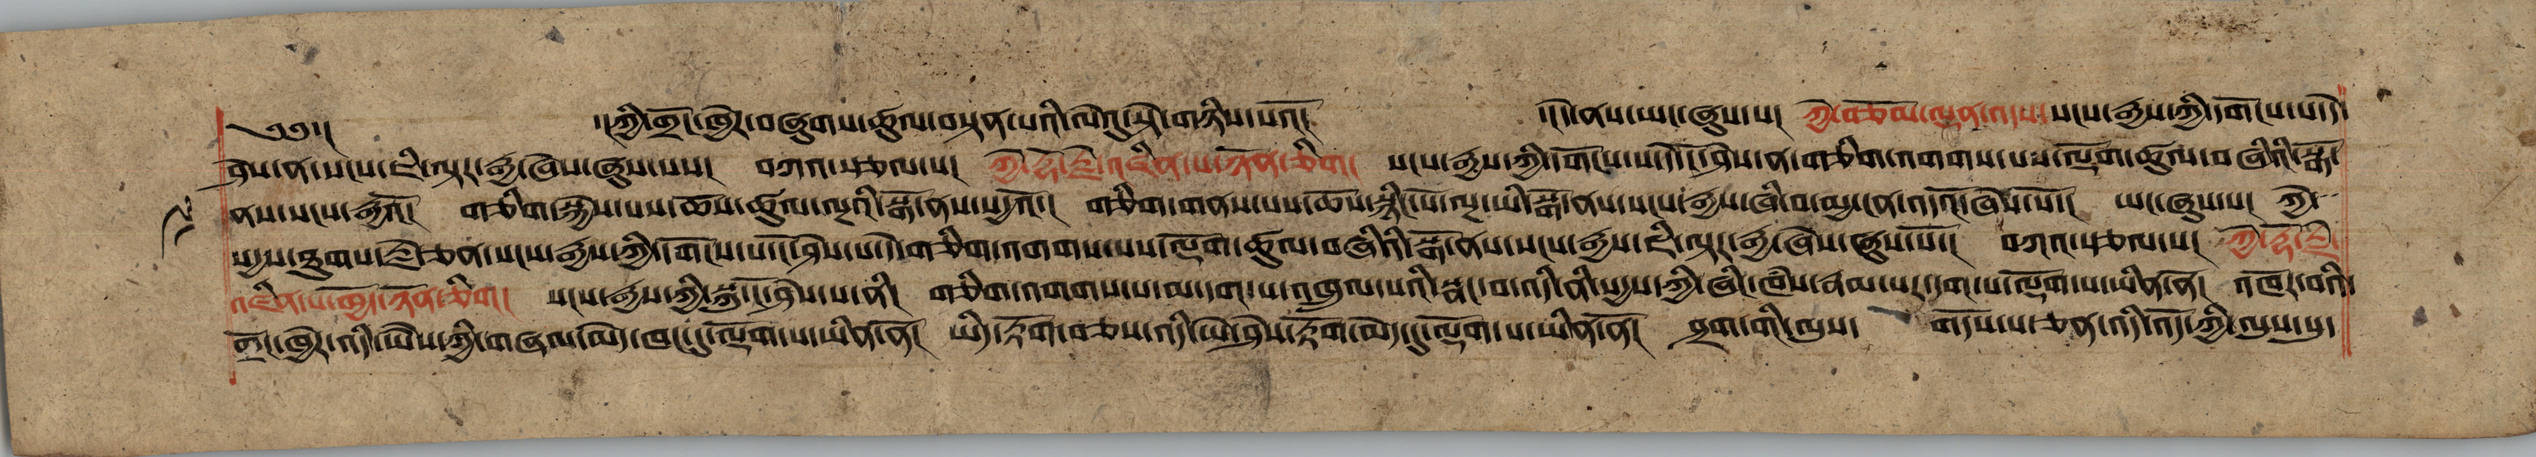༄༅་། ་།ཀྱི་གྲོང་ཁྱེར་བཞུགས་ཚུལ་བསྟན་པའི་ལེའུ་སྟེ་གཉིས་པའོ། ་།དེ་ནས་ཡང་ཞུས་པ། ཀྱེ་བཅོམ་ལྡན་འདས་སངས་རྒྱས་ཀྱི་དགོངས་པ་དེ་
ཤེས་ན་སངས་ཇི་ལྟར་རྒྱ་ཞེས་ཞུས་པས། བཀའ་སྩལ་པ། ཀྱེ་རྡོ་རྗེ་འཛིན་པ་ཉོན་ཅིག། སངས་རྒྱས་ཀྱི་དགོངས་པ་དེ་ངོ་ཤེས་ན་གཅིག་འགགས་པས་ལྡོག་ཚུལ་བཞིའི་སྒོ་
ནས་སངས་རྒྱའོ། གཅིག་སྐྱེས་པས་ཆོས་ཚུལ་ལྔའི་སྒོ་ནས་སདྱའོ་། གཅིག་གནས་པས་ཆོས་སྙིང་པོ་ལྔ་ཡི་སྒོ་ནས་སངས་རྒྱས་ཞི་བ་མྱ་ངན་འདའོ་ཞེས་སོ་། ཡང་ཞུས་པ། ཀྱེ་
སདྱས་ཐུགས་རྗེ་ཅན་སདྱས་ཀྱི་དགོངས་པ་ངོ་ཤེས་པ་དེ་གཅིག་འགགས་ལས་ལྡོག་ཚུལ་བཞིའི་སྒོ་ནས་སངས་རྒྱས་ཇི་ལྟར་རྒྱ་ཞེས་ཞུས་སོ་། བཀའ་སྩལ་པ། ཀྱེ་རྡོ་རྗེ་
འཛིན་པ་ཁྱོད་ཉོན་ཅིག། སངས་རྒྱས་ཀྱི་སྐུ་ངོ་ཤེས་པ་ནི། གཅིག་འགགས་པ་མ་དག་པ་འཁྲུལ་པའི་སྣང་བ་འདི་ནི་སདྱས་ཀྱི་ཞིང་ཁཾས་རྣམ་པར་དག་པ་ལྡོག་པ་ཡིན་ནོ། འཁོར་བའི་
གྲོང་ཁྱེར་འདི་ཡཻས་ཀྱི་གཞལ་མེད་ཁང་དུ་ལྡོག་པ་ཡིན་ནོ། ཡིད་རྟོག་བཅས་འདི་ཡེ་ཤེས་རྟོག་མེད་དུ་ལྡོག་པ་ཡིན་ནོ། ཤྲག་གི་ལུས། གདོས་པ་ཅན་འདི་འོད་ཀྱི་ལུས་སུ་